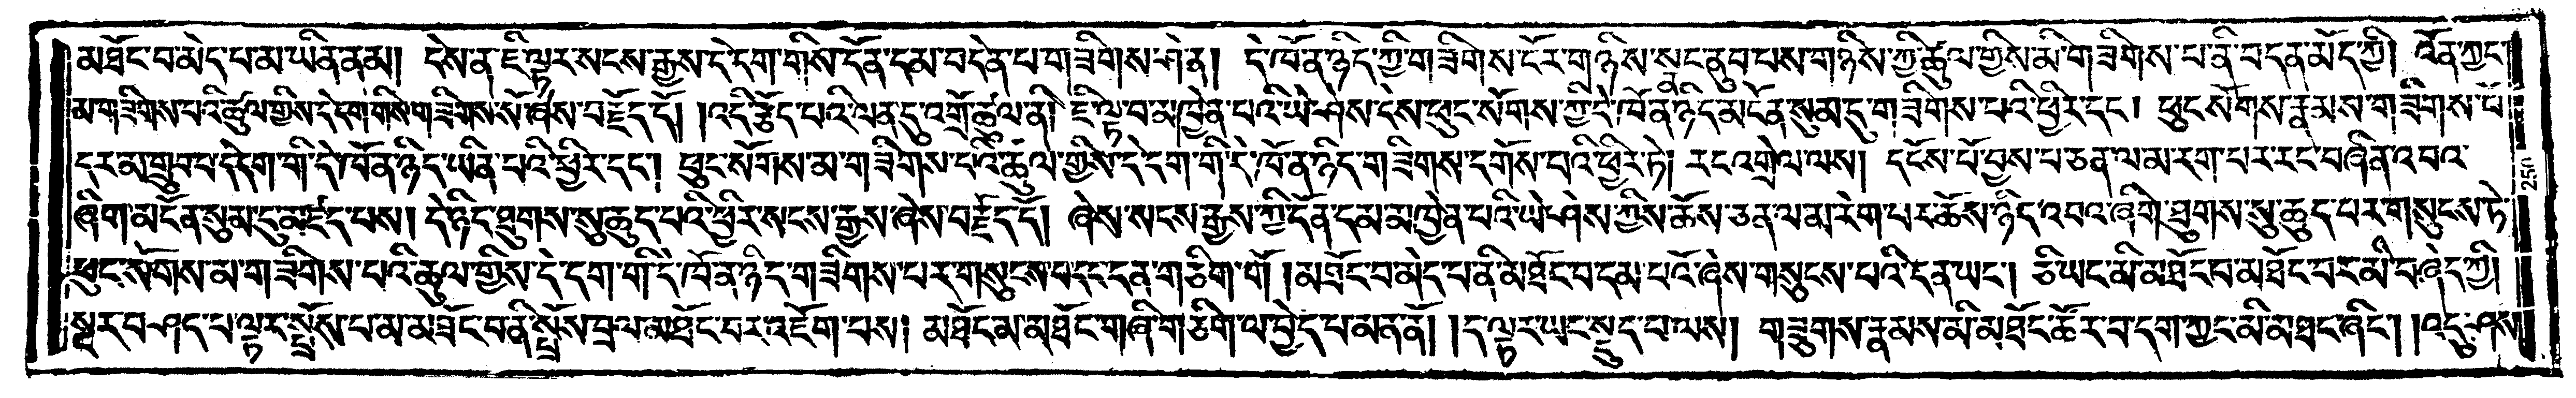མཐོང་བ་མེད་པ་མ་ཡིན་ནམ། དེས་ན་ཇི་ལྟར་སངས་རྒྱས་དེ་དག་གིས་དོན་དམ་བདེན་པ་གཟིགས་ཤེ་ན། དེ་ཁོ་ན་ཉིད་ཀྱི་གཟིགས་ངོར་གཉིས་སྣང་ནུབ་པས་གཉིས་ཀྱི་ཚུལ་གྱིས་མི་གཟིགས་པ་ནི་བདེན་མོད་ཀྱི། འོན་ཀྱང་
མ་གཟིགས་པའི་ཚུལ་གྱིས་དེ་དག་གིས་གཟིགས་སོ་ཞེས་བརྗོད་དོ། །འདི་རྩོད་པའི་ལན་དུ་འགྲོ་ཚུལ་ནི། ཇི་ལྟ་བ་མཁྱེན་པའི་ཡེ་ཤེས་དེས་ཕུང་སོགས་ཀྱི་དེ་ཁོ་ན་ཉིད་མངོན་སུམ་དུ་གཟིགས་པའི་ཕྱིར་དང་། ཕུང་སོགས་རྣམས་གཟིགས་ངོ་
དེར་མ་གྲུབ་པ་དེ་དག་གི་དེ་ཁོ་ན་ཉིད་ཡིན་པའི་ཕྱིར་དང་། ཕུང་སོགས་མ་གཟིགས་པའི་ཚུལ་གྱིས་དེ་དག་གི་དེ་ཁོ་ན་ཉིད་གཟིགས་དགོས་པའི་ཕྱིར་ཏེ། རང་འགྲེལ་ལས། དངོས་པོ་བྱས་པ་ཅན་ལ་མ་རེག་པར་རང་བཞིན་འབའ་
ཞིག་མངོན་སུམ་དུ་མཛད་པས། དེ་ཉིད་ཐུགས་སུ་ཆུད་པའི་ཕྱིར་སངས་རྒྱས་ཞེས་བརྗོད་དོ། ཞེས་སངས་རྒྱས་ཀྱི་དོན་དམ་མཁྱེན་པའི་ཡེ་ཤེས་ཀྱིས་ཆོས་ཅན་ལ་མ་རེག་པར་ཆོས་ཉིད་འབའ་ཞིག་ཐུགས་སུ་ཆུད་པར་གསུངས་ཏེ།
ཕུང་སོགས་མ་གཟིགས་པའི་ཚུལ་གྱིས་དེ་དག་གི་དེ་ཁོ་ན་ཉིད་གཟིགས་པར་གསུངས་པ་དང་དོན་གཅིག་གོ །མཐོང་བ་མེད་པ་ནི་མཐོང་བ་དམ་པའོ་ཞེས་གསུངས་པའི་དོན་ཡང་། ཅི་ཡང་མི་མཐོང་བ་མཐོང་བར་མི་བཞེད་ཀྱི།
སྔར་བཤད་པ་ལྟར་སྤྲོས་པ་མ་མཐོང་བ་ནི་སྤྲོས་བྲལ་མཐོང་བར་འཇོག་པས། མཐོང་མ་མཐོང་གཞི་གཅིག་ལ་བྱེད་པ་མིན་ནོ། །དེ་ལྟར་ཡང་སྡུད་པ་ལས། གཟུགས་རྣམས་མི་མཐོང་ཚོར་བ་དག་ཀྱང་མི་མཐོང་ཞིང་། །འདུ་ཤེས་